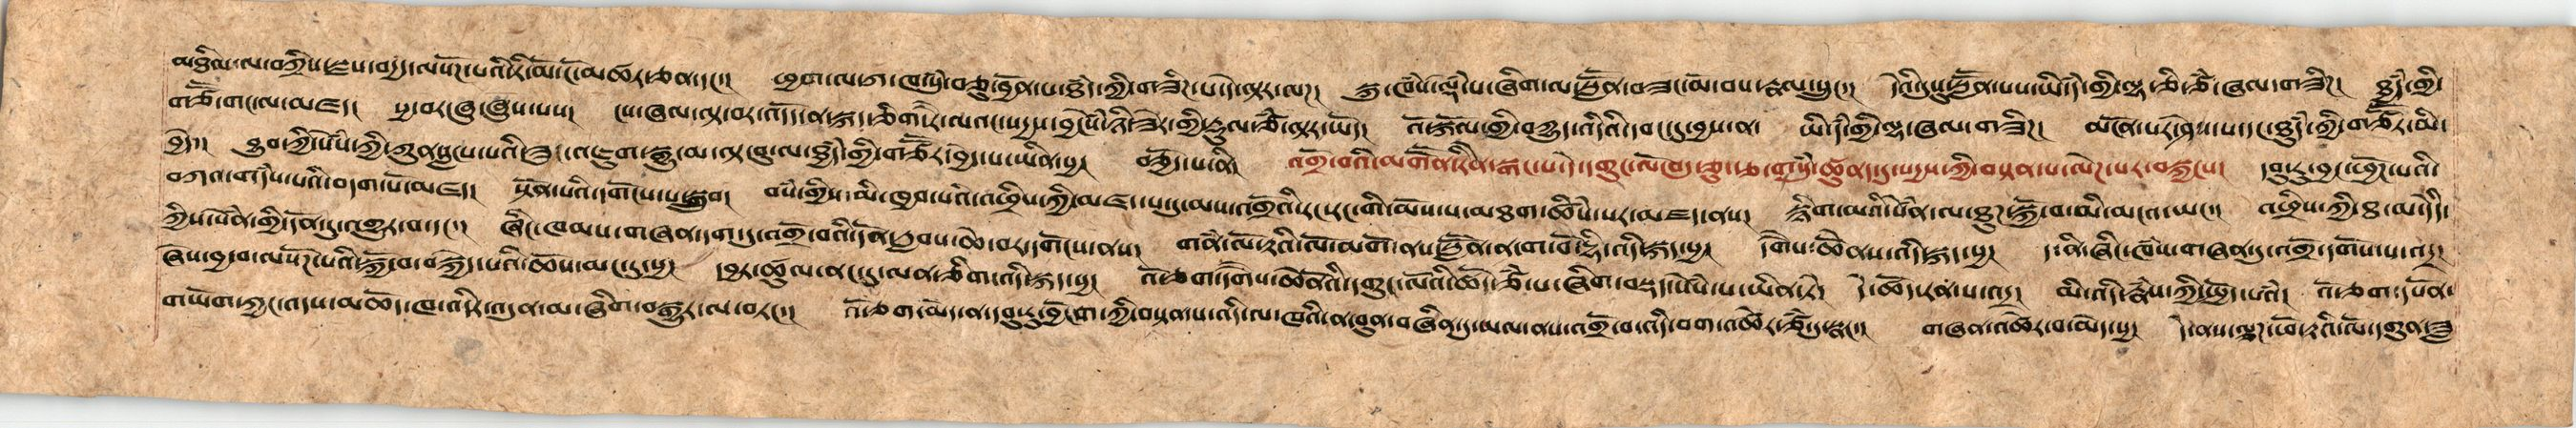མཐིལ་ལ་བཀྲིས་སྫས་བདྱད་ལསོཌ་པའི་རི་མོ་ངོ་མཚར་ཅན་དང་། ཕྱག་ལ་ཀ་ཁ་སུཾ་བཅུ་བྱོན་པ་ཐཾད་ཀྱི་གཟིཌ་པ་དེ་ལྟར་ལཌ། སྐུ་ཁཾས་ལྟཾ་པ་ཞིག་ལ་སླཽན་བཟང་མོ་བས་རྣལ་སྲུང་། དེའི་དུས་སུ་སླཽན་པས་ཡི་དཾ་གྱི་ལྷ་ཅི་ཙཾ་ཞལ་གཟིཌ། ཐྱཾད་གྱི་
གཙཽ་གང་ལ་མཛད། སྱ་བར་ཞུ་ཞུས་པས། ངས་ཞལ་ལྟ་བར་འདོད་ན་སྐད་ཅིག་རཻ་ལའང་སདྱས་་བྱངེསཾ་ཉི་ཟེར་གྱི་རྡུལ་ཙཾ་ལྟར་ཡོད། འོ་སྐོལ་གྱི་བཀྱུད་འདིའི་དབང་དུ་བྱས་ན། ཡི་དཾ་གྱི་ལྷ་ཞལ་གཟིཌ། མངོན་པར་ཤེས་པ་དང་ཐུདཾ་གྱི་གཙཽར་མི་
བྱེད་། བྱུབ་ཀྱི་སེསཾ་ཀྱི་ཀུནསླངས་པའི་ཟུང་འཇུག་སྒྱུ་མ་ལྟ་བུ་ལ་ཐྱཾད་གྱི་གཙཽར་བྱེད་པ་ཡིན་སྱ། བཅྱོད་པ་ནི། འགྲོ་བའི་མགཽན་རིནེ་སྒང་པ་དེ་དགུང་ལོ་བདུ་ཅུ་རྩ་གསུཾ་ཚུནད་དུ་སདྱས་ཀྱི་བསྟན་པ་ལེཌ་པར་བསྐྱངས། དབུ་རུ་བྱང་ཕྱོཌ་པའི་
བཀའ་གདཾས་པའི་བདག་པོ་མཛད། སྟོན་པའི་དགོངས་པ་སྒྲུབ། བསཾ་གྱིས་མི་ཁྱབ་པའི་འཕྲིས་ཀྱི་མཛད་པ་དུ་མས་འགྲོའི་རང་རང་གི་མོས་པ་མཐག་ཚིཾས་པར་མཛད་ནས། སྙིག་མའི་སེནཾ་ལ་ཐུཌ་སྐྱོ་བ་མི་མངའ་ཡང་། འཕྲིས་ཀྱི་ཐ་མ་དེདི་
ཀྱིས་སེནཾ་གྱི་དོན་དུ་འགྱུར་བ་དང་། ཞིང་ཁམས་གཞན་དག་ཏུ་འགྲོ་བའི་དོན་རླབས་ཆེ་བར་དགོངས་ནས། གནཾ་ལོ་རྟའི་ལོ་མགོ་ནས་སླཽན་ན་ག་བོ་ཌྷི་འདི་སྐད་སྱ། དགཻས་ཆེནོས་འདི་སྐད་སྱ། ད་ནི་ཞིང་ཁཾས་གཞན་དུ་འགྲོ་དགོས་པ་འདྲ།
ཞེས་བྱ་བ་ལསོཌ་པའི་སྐྱོ་བ་བསྐྱེད་པའི་ཆོས་མང་དུ་སྱ། དབྱར་ཚུལ་ནང་དུ་ལན་ཅིག་འདི་སྐད་སྱ། འོ་ཅག་དགཻས་ཆེནོའི་དགུང་ལོའི་ཚོད་ཙཾ་པ་ཞིག་བསྡད་སེསཾ་པ་ཡིན་ཏེ། དེ་ཚོད་རན་པ་འདྲ། མི་འདི་རྣཾས་ཀྱི་སྤྱོད་པའཾ། འོ་ཅག་དཔོན་
གཡོག་ཀྱང་འདས་མཆོད་ཁ་འདིར་འདུན་མ་ཞིག་བསྒྱུར་ལ་བཏང་། འོ་ཅག་མེད་ན་དབུ་རུ་བྱོངག་ཀྱི་བསྟན་པ་འདི་ལ་ཁའི་ན་བུན་བཞིན་དུ་ཡལ་ནས་འགྲོ་བ་འདི་ལ་བག་འཚེར་ཙཾ་དུ་སྣང་། གཞན་འཚེར་བ་མེད་སྱ། དེ་ནས་ལྕཌ་ཕོ་རྟའི་ལོ་དགུན་ཟླ